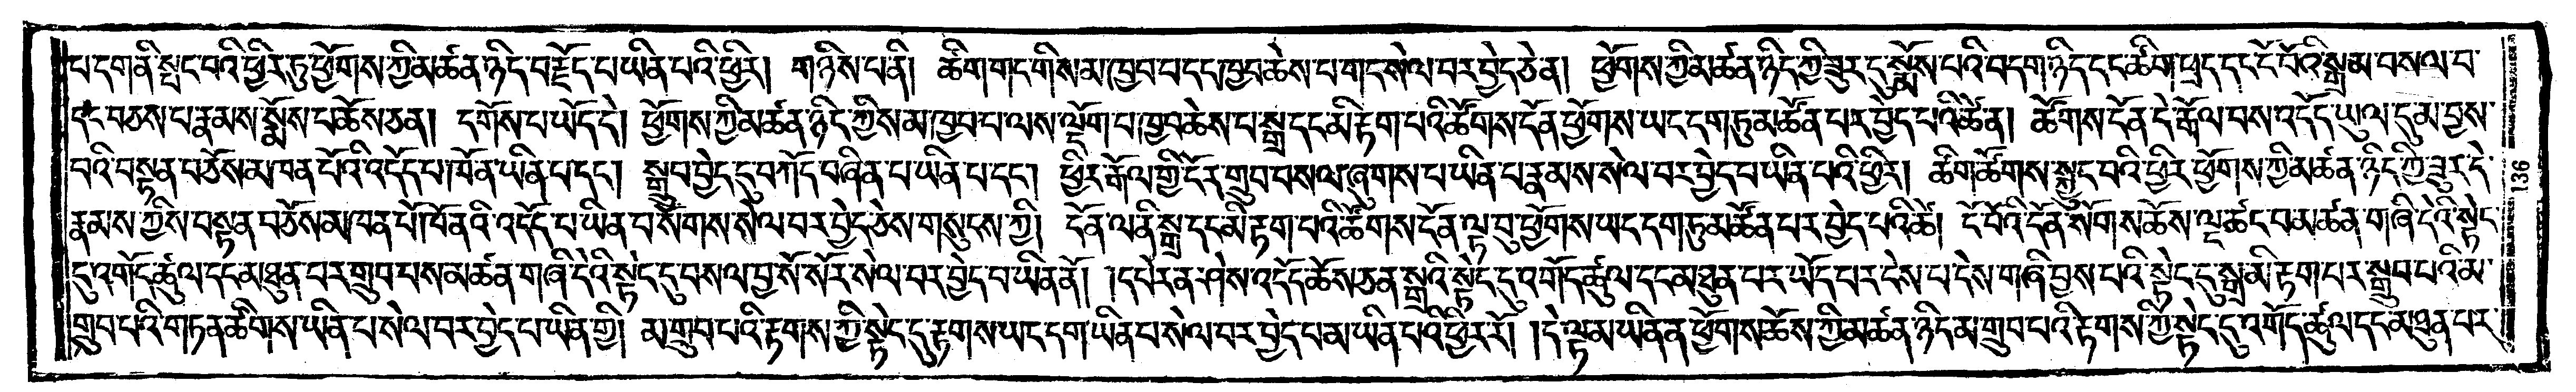པ་དག་ནི་སྤང་བའི་ཕྱིར་ཏུ་ཕྱོགས་ཀྱི་མཚན་ཉིད་བརྗོད་པ་ཡིན་པའི་ཕྱིར། གཉིས་པ་ནི། ཚིག་གང་གིས་མ་ཁྱབ་པ་དང་ཁྱབ་ཆེས་པ་གང་སེལ་བར་བྱེད་ཅེ་ན། ཕྱོགས་ཀྱི་མཚན་ཉིད་ཀྱི་ཟུར་དུ་སྨོས་པའི་བདག་ཉིད་དང་ཚིག་ཕྲད་དང་ངོ་བོའི་སྒྲ་མ་བསལ་བ་
དང་བཅས་པ་རྣམས་སྨོས་པ་ཆོས་ཅན། དགོས་པ་ཡོད་དེ། ཕྱོགས་ཀྱི་མཚན་ཉིད་ཀྱིས་མ་ཁྱབ་པ་ལས་ལྡོག་པ་ཁྱབ་ཆེས་པ་སྒྲ་དང་མི་རྟག་པའི་ཚོགས་དོན་ཕྱོགས་ཡང་དག་ཏུ་མཚོན་པར་བྱེད་པའི་ཚེ་ན། ཚོགས་དོན་དེ་རྒོལ་པས་འདོད་ཡུལ་དུ་མ་བྱས་
བའི་བསྟན་བཅོས་མཁན་པོའི་འདོད་པ་ཁོ་ན་ཡིན་པ་དང་། སྒྲུབ་བྱེད་དུ་བཀོད་བཞིན་པ་ཡིན་པ་དང་། ཕྱིར་རྒོལ་གྱི་ངོར་གྲུབ་བསལ་ཞུགས་པ་ཡིན་པ་རྣམས་སེལ་བར་བྱེད་པ་ཡིན་པའི་ཕྱིར། ཚིག་ཚོགས་སྐྱུང་བའི་ཕྱིར་ཕྱོགས་ཀྱི་མཚན་ཉིད་ཀྱི་ཟུར་དེ་
རྣམས་ཀྱིས་བསྟན་བཅོས་མཁན་པོ་ཁོ་ནའི་འདོད་པ་ཡིན་པ་སོགས་སེལ་བར་བྱེད་ཅེས་གསུངས་ཀྱི། དོན་ལ་ནི་སྒྲ་དང་མི་རྟག་པའི་ཚོགས་དོན་ལྟ་བུ་ཕྱོགས་ཡང་དག་ཏུ་མཚོན་པར་བྱེད་པའི་ཚེ། ངོ་བོའི་དོན་སོགས་ཆོས་ལྔ་ཚང་བ་མཚན་གཞི་དེའི་སྟེང་
དུ་འགོད་ཚུལ་དང་མཐུན་པར་གྲུབ་པས་མཚན་གཞི་དེའི་སྟེང་དུ་བསལ་བྱ་སོ་སོར་སེལ་བར་བྱེད་པ་ཡིན་ནོ། །དཔེར་ན་ཤེས་འདོད་ཆོས་ཅན་སྒྲའི་སྟེང་དུ་འགོད་ཚུལ་དང་མཐུན་པར་ཡོད་པར་ངེས་པ་དེས་གཞི་བྱས་པའི་སྟེང་དུ་སྒྲ་མི་རྟག་པར་སྒྲུབ་པའི་མ་
གྲུབ་པའི་གཏན་ཚིགས་ཡིན་པ་སེལ་བར་བྱེད་པ་ཡིན་གྱི། མ་གྲུབ་པའི་རྟགས་ཀྱི་སྟེང་དུ་རྟགས་ཡང་དག་ཡིན་པ་སེལ་བར་བྱེད་པ་མ་ཡིན་པའི་ཕྱིར་རོ། །དེ་ལྟ་མ་ཡིན་ན་ཕྱོགས་ཆོས་ཀྱི་མཚན་ཉིད་མ་གྲུབ་པའི་རྟགས་ཀྱི་སྟེང་དུ་འགོད་ཚུལ་དང་མཐུན་པར་